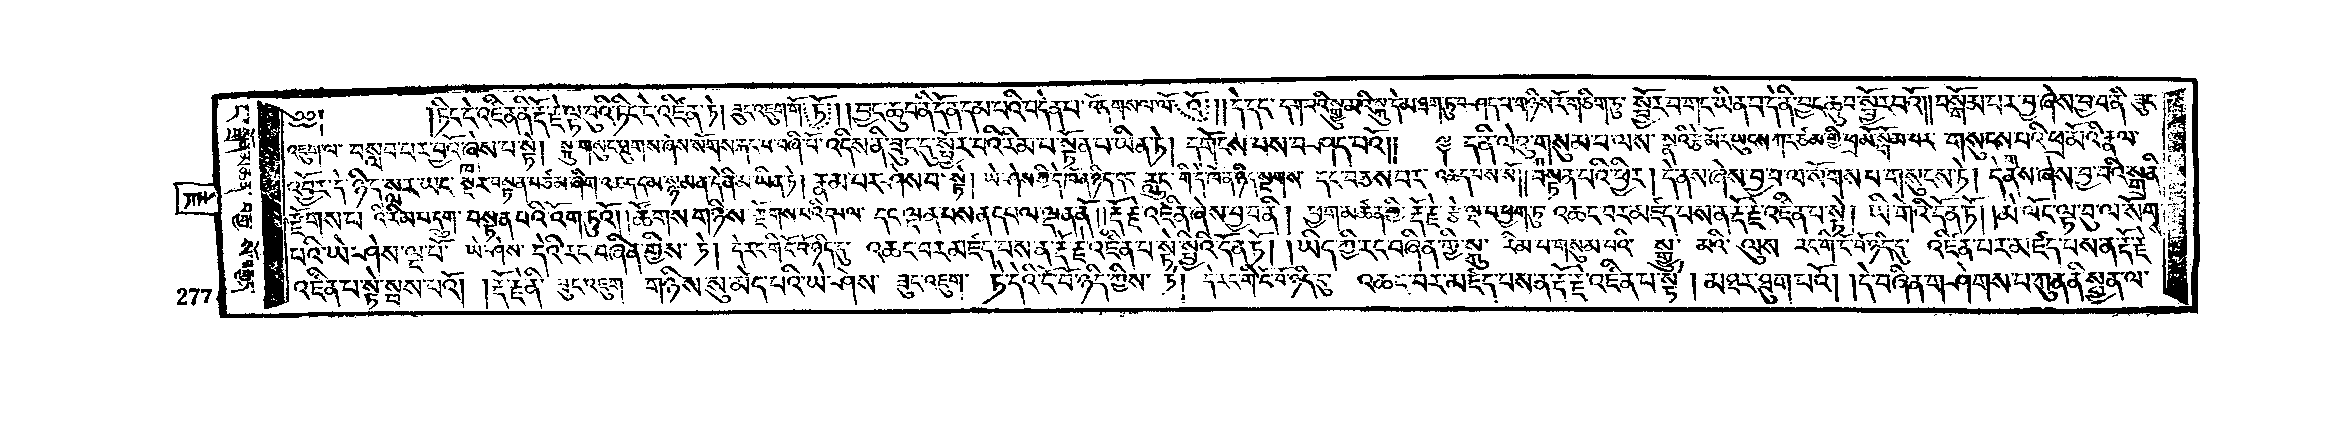༄༅། །ཏིང་ངེ་འཛིན་ནི་རྡོ་རྗེ་ལྟ་བུའི་ཏིང་ངེ་འཛིན་ཏེ། ཟུང་འཇུག་གོ་ཏོ། །བྱང་ཆུབ་ནི་དོན་དམ་པའི་བདེན་པ་འོད་གསལ་ལོའོ། །དེ་དང་དག་པའི་སྒྱུ་མའི་སྐུ་དེ་མ་ཐག་ཏུ་བཤད་པ་གཉིས་རོ་གཅིག་ཏུ་སྦྱོར་བ་གང་ཡིན་པ་དེ་ནི་བྱང་ཆུབ་སྦྱོར་བའོ། །བསྒོམ་པར་བྱ་ཞེས་བྱ་བ་ནི་ཟུང་
འཇུག་ལ་བསླབ་པར་བྱའོ་ཞེས་པ་སྟེ། སྐུ་གསུང་ཐུགས་ཞེས་སོགས་རྐང་པ་བཞི་པོ་འདིས་ནི་ཟུང་དུ་སྦྱོར་བའི་རིམ་པ་སྟོན་པ་ཡིན་ཏེ། དགོངས་པས་བཤད་པའོ།། ༈ ད་ནི་ལེའུ་གསུམ་པ་ལས་སྣའི་རྩེ་མོར་ཡུངས་ཀར་ཙམ་གྱི་ཕྲ་མོ་སྒོམ་པར་གསུངས་པའི་ཕྲ་མོའི་རྣལ་
འབྱོར་དེ་ཉིད་སླར་ཡང་ཁ་སྔར་བསྟན་པ་ཙམ་ཞིག་འཆད་དམ་སྙམ་ན་དེ་ནི་མ་ཡིན་ཏེ།  རྣམ་པར་ཤེས་པ་སྟེ། ཡེ་ཤེས་ཀྱི་དེ་ཁོ་ན་ཉིད་དང་རླུང་གི་དེ་ཁོ་ན་ཉིད་སྔགས་དང་བཅས་པར་འཆད་པས་སོ། །ཀ་བསྟན་པའི་ཕྱིར། དེ་ནས་ཞེས་བྱ་བ་ལ་སོགས་པ་གསུངས་ཏེ། དེ་ནས་ག་ཞེས་བྱ་བའི་སྒྲ་ནི་
རྫོགས་པའི་རིམ་པ་དྲུག་བསྟན་པའི་འོག་ཏུའོ། །ཚོགས་གཉིས་རྫོགས་པའི་དཔལ་དང་ལྡན་པས་ན་དཔལ་ལྡན་ནོ། །རྡོ་རྗེ་འཛིན་ཞེས་བྱ་བ་ནི། ཕྱག་མཚན་གྱི་རྡོ་རྗེ་རྩེ་ལྔ་པ་ཕྱག་ཏུ་འཆང་བར་མཛད་པས་ན་རྡོ་རྗེ་འཛིན་པ་སྟེ། ཡི་གེའི་དོན་ཏོ། །མེ་ལོང་ལྟ་བུ་ལ་སོགས་
པའི་ཡེ་ཤེས་ལྔ་པོ་ཡེ་ཤེས་དེའི་རང་བཞིན་གྱིས་ཏེ། དེ་རང་གི་ངོ་བོ་ཉིད་དུ་འཆང་བར་མཛད་པས་ན་རྡོ་རྗེ་འཛིན་པ་སྟེ་སྤྱིའི་དོན་ཏོ། །ཡིད་ཀྱི་རང་བཞིན་གྱི་སྐུ་རིམ་པ་གསུམ་པའི་སྒྱུ་མའི་ལུས་རང་གི་ངོ་བོ་ཉིད་དུ་འཛིན་པར་མཛད་པས་ན་རྡོ་རྗེ་
འཛིན་པ་སྟེ་སྦས་པའོ། །རྡོ་རྗེ་ནི་ཟུང་འཇུག་གཉིས་སུ་མེད་པའི་ཡེ་ཤེས་ཟུང་འཇུག་ཏེ་དེའི་ངོ་བོ་ཉིད་ཀྱིས་ཏེ། དེ་རང་གི་ངོ་བོ་ཉིད་དུ་འཆང་བར་མཛད་པས་ན་རྡོ་རྗེ་འཛིན་པ་སྟེ། མཐར་ཐུག་པའོ། །དེ་བཞིན་གཤེགས་པ་ཀུན་ནི་སྤྱན་ལ་